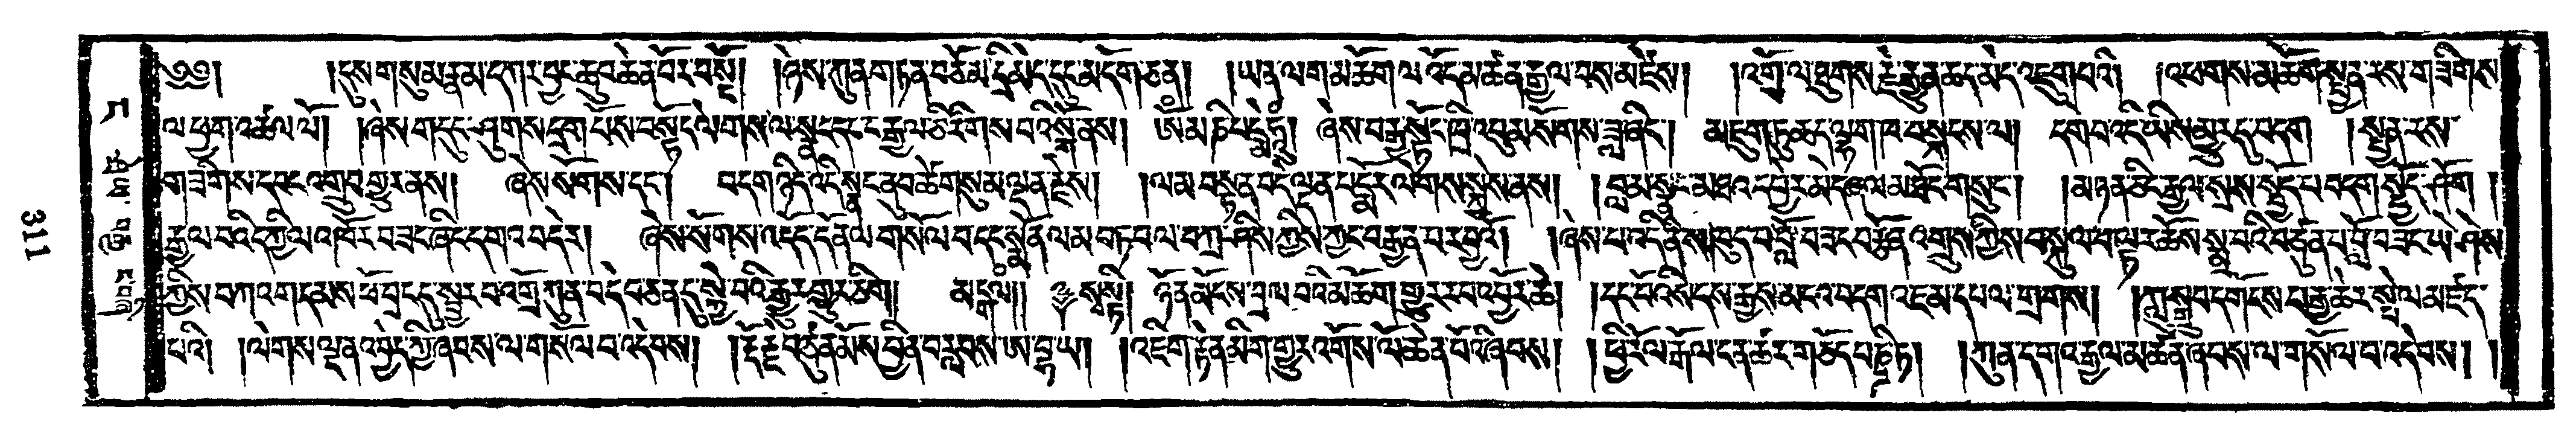༄༅། །དུས་གསུམ་རྣམ་དཀར་བྱང་ཆུབ་ཆེན་བོར་བསྔོ། །ཉེས་ཀུན་གཏན་བཅོམ་དྲི་མེད་དུང་མདོག་ཅན། །ཡན་ལག་མཆོག་ལ་འོད་མཚན་རྒྱལ་བས་མཛེས། །འགྲོ་ལ་ཐུགས་རྗེ་རྒྱུན་ཆད་མེད་འཇུག་པའི། །འཕགས་མཆོག་སྤྱན་རས་གཟིགས་
ལ་ཕྱག་འཚལ་ལོ། །ཞེས་གདུང་ཤུགས་དྲག་པོས་བསྟོད་ལེགས་ལ་སྣང་དང་ང་རྒྱལ་ཅི་རིགས་པའི་སྒོ་ནས། ཨོཾ་མ་ཎི་པདམེ་ཧཱུཾ། ཞེས་བརྒྱ་སྟོང་ཁྲི་འབུམ་སོགས་ཟླ་ཞིང་། མཇུག་ཏུ་ཆད་ལྷག་ཁ་བསྐངས་ལ། དགེ་བ་འདི་ཡིས་མྱུར་དུ་བདག །སྤྱན་རས་
གཟིགས་དབང་འགྲུབ་གྱུར་ནས། ཞེས་སོགས་དང་། བདག་ཉིད་འདི་སྣང་ནུབ་ཚེ་གསུམ་ལྡན་རྗེས། །ལམ་བསྟན་བདེ་ལྡན་པདམོར་ལེགས་སྐྱེས་ནས། །བླ་མ་སྣང་མཐའ་དབྱེར་མེད་ཞལ་མཐོང་གསུང་། །མཉན་ཅིང་རྒྱལ་སྲས་སྤྱོད་པ་བདག་སྤྱོད་ཤོག།
རྒྱལ་བའི་དཀྱིལ་འཁོར་བཟང་ཞིང་དགའ་བ་དེར། ཞེས་སོགས་འདོད་དོན་ལ་གསོལ་བ་དང་སྨོན་ལམ་བཏབ་ལ་བཀྲ་ཤིས་ཀྱིས་ཀྱང་བརྒྱན་པར་བྱའོ། །ཞེས་པ་འདི་ནི་ས་ཁུད་བ་བློ་བཟང་བརྩོན་འགྲུས་ཀྱིས་བསྐུལ་བལྟར་ཆོས་སྨྲ་བའི་བཙུན་པ་བློ་བཟང་ཡེ་ཤེས་
ཀྱིས་བཀའ་གདམས་ཕོ་བྲང་དུ་སྦྱར་བ་འགྲོ་ཀུན་བདེ་བ་ཅན་དུ་སྐྱེ་བའི་རྒྱུར་གྱུར་ཅིག། མངྒལཾ།། ༈ སྭསྟི། ཉོན་མོངས་བྲལ་བའི་མཆོག་གྱུར་རབ་འབྱོར་ཆེ། །དང་པོའི་སངས་རྒྱས་མངའ་བདག་འཇམ་དཔལ་གྲགས། །ཀླུ་སྒྲུབ་དགོངས་པ་རྒྱ་ཆེར་སྤེལ་མཛད་
པའི། །ལེགས་ལྡན་འབྱེད་ཀྱི་ཞབས་ལ་གསོལ་བ་འདེབས། །རྡོ་རྗེ་བཙུན་མོས་བྱིན་བརླབས་ཨ་བྷ་ཡ། །འཇིག་རྟེན་མིག་གྱུར་འགོས་ལོ་ཆེན་པོའི་ཞབས། །ཕྱི་རོལ་རྒོལ་ངན་ཚར་གཅོད་པཎྚི་ཏ། །ཀུན་དགའ་རྒྱལ་མཚན་ཞབས་ལ་གསོལ་བ་འདེབས། །